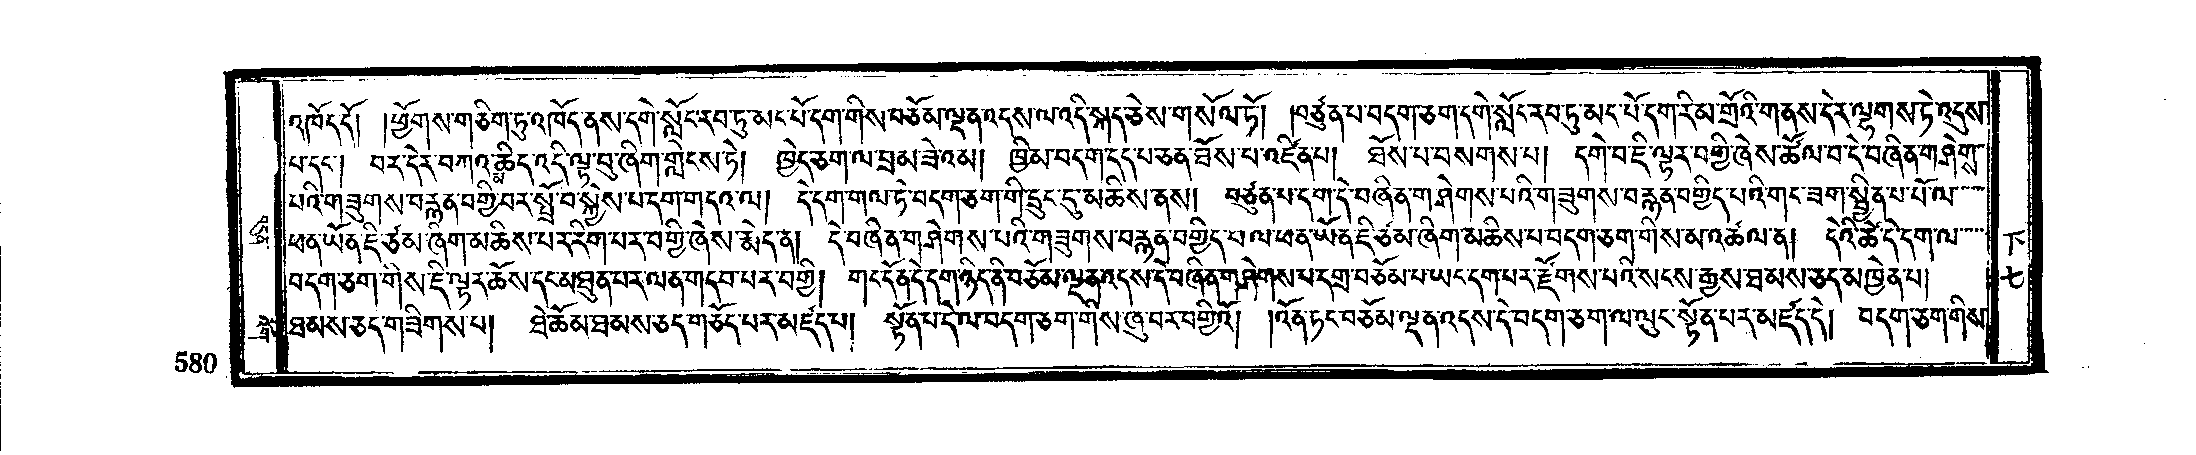འཁོད་དོ། །ཕྱོགས་གཅིག་ཏུ་འཁོད་ནས་དགེ་སློང་རབ་ཏུ་མང་པོ་དག་གིས་བཅོམ་ལྡན་འདས་ལ་འདི་སྐད་ཅེས་གསོལ་ཏོ། །བཙུན་པ་བདག་ཅག་དགེ་སློང་རབ་ཏུ་མང་པོ་དག་རིམ་གྲོའི་གནས་དེར་ལྷགས་ཏེ་འདུས་
པ་དང་། བར་དེར་བཀའ་མཆིད་འདི་ལྟ་བུ་ཞིག་གླེངས་ཏེ། ཁྱེད་ཅག་ལ་བྲམ་ཟེ་འམ། ཁྱིམ་བདག་དད་པ་ཅན་ཐོས་པ་འཛིན་པ། ཐོས་པ་བསགས་པ། དགེ་བ་ཇི་ལྟར་བགྱི་ཞེས་ཚོལ་བ་དེ་བཞིན་གཤེགས་
པའི་གཟུགས་བརྙན་བགྱི་བར་སྤྲོ་བ་སྐྱེས་པ་དག་གདའ་ལ། དེ་དག་གལ་ཏེ་བདག་ཅག་གི་དྲུང་དུ་མཆིས་ནས། བཙུན་པ་དག་དེ་བཞིན་གཤེགས་པའི་གཟུགས་བརྙན་བགྱིད་པའི་གང་ཟག་སྦྱིན་པ་པོ་ལ་
ཕན་ཡོན་ཇི་ཙམ་ཞིག་མཆིས་པར་རིག་པར་བགྱི་ཞེས་རྨེད་ན། དེ་བཞིན་གཤེགས་པའི་གཟུགས་བརྙན་བགྱིད་པ་ལ་ཕན་ཡོན་ཇི་ཙམ་ཞིག་མཆིས་པ་བདག་ཅག་གིས་མ་འཚལ་ན། དེའི་ཚེ་དེ་དག་ལ་
བདག་ཅག་གིས་ཇི་ལྟར་ཆོས་དང་མཐུན་པར་ལན་གདབ་པར་བགྱི། གང་དོན་དེ་དག་ཉིད་ནི་བཅོམ་ལྡན་འདས་དེ་བཞིན་གཤེགས་པ་དགྲ་བཅོམ་པ་ཡང་དག་པར་རྫོགས་པའི་སངས་རྒྱས་ཐམས་ཅད་མཁྱེན་པ།
ཐམས་ཅད་གཟིགས་པ། ཐེ་ཚོམ་ཐམས་ཅད་གཅོད་པར་མཛད་པ། སྟོན་པ་དེ་ལ་བདག་ཅག་གིས་ཞུ་བར་བགྱིའོ། །འོན་ཏང་བཅོམ་ལྡན་འདས་དེ་བདག་ཅག་ལ་ལུང་སྟོན་པར་མཛད་དེ། བདག་ཅག་གིས་